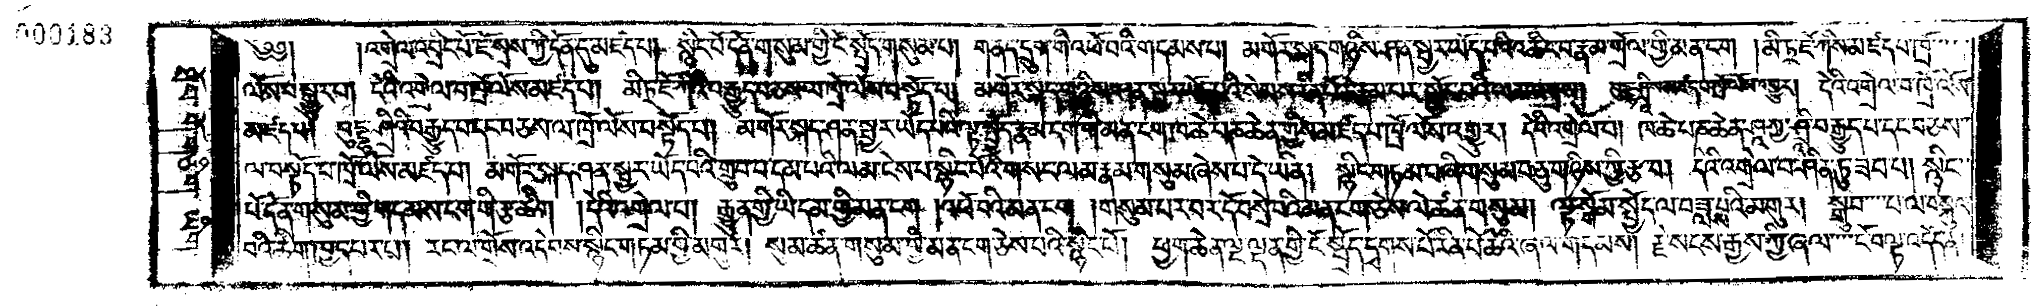༄༅། །འགྲེལ་འབྲིང་པོ་ཇོ་སྲས་ཀྱི་དོན་དུ་མཛད་པ། སྙིང་པོ་དོན་གསུམ་གྱི་ངོ་སྤྲོད་གསུམ་པ། གནད་དྲུག་གི་འཕོ་བའི་གདམས་པ། མགོར་སྐད་གཉིས་ཤན་སྦྱར་ཡོད་པའི་འཆིང་བ་རྣམ་གྲོལ་གྱི་མན་ངག །མི་རྟ་ཇོ་ཀིས་མཛད་པ་ཁྲོ་
ལོས་བསྒྱུར་པ། དེའི་འགྲེལ་བ་ཁྲོ་ལོས་མཛད་པ། མི་ཏྲ་ཇོ་ཀིའི་བརྒྱུད་བཅས་ལ་ཁྲོ་ལོས་བསྟོད་པ། མགོར་སྐད་གཉིས་ཤན་སྦྱར་ཡོད་པའི་སེམས་རིན་པོ་ཆེ་རྣམ་པར་སྦྱོང་བའི་ལམ་འབྲས། བུདྡྷ་ཤཱིས་མཛད་པ་ཁྲོ་ལོས་འགྱུར།  དེའི་འགྲེལ་བ་ཁྲོ་ལོས་
མཛད་པ། བུདྡྷ་ཤྲིའི་བརྒྱུད་པ་དང་བཅས་ལ་ཁྲོ་ལོས་བསྟོད་པ། མགོར་སྐད་ཤན་སྦྱར་ཡོད་པའི་ལྟ་སྤྱོད་རྣམ་དག་གི་མན་ངག་ཁ་ཆེ་པཎ་ཆེན་གྱིས་མཛད་པ་ཁྲོ་ལོས་འགྱུར། དེའི་འགྲེལ་བ། ཁ་ཆེ་པཎ་ཆེན་ཤཱཀྱ་ཤྲཱི་བརྒྱུད་པ་དང་བཅས་
ལ་བསྟོད་པ་ཁྲོ་ལོས་མཛད་པ། མགོར་སྐད་ཤན་སྦྱར་ཡོད་པའི་གྲུབ་པ་དམ་པའི་ལམ་ངེས་པ་སྙིང་པོའི་གསང་ལམ་རྣམ་གསུམ་ཞེས་པ་དེ་ཡིན། སྙིང་གཏམ་བཞི་གསུམ་བཅུ་གཉིས་ཀྱི་རྩ་བ། དེའི་འགྲེལ་བ་ཤིན་ཏུ་ཟབ་པ། སྙིང་
པོ་དོན་གསུམ་གྱི་གདམས་ངག་གི་རྩ་ཚིག །དེའི་འགྲེལ་བ། རྒྱུན་གྱི་ཡི་དམ་གྱི་མན་ངག །འཕོ་བའི་མན་ངག །གསུམ་པར་བར་དོ་བསྲེ་བའི་མན་ངག་ཅེས་ལེ་ཚན་གསུམ། ལྟ་སྒོམ་སྤྱོད་ལ་བཟླས་པའི་མགུར། སྒྲུབ་པ་ལ་བསྐུལ་
བའི་ཚིག་ཁྱད་པར་པ། རང་ལ་གྲོས་འདེབས་སྙིང་གཏམ་གྱི་མགུར། སུམ་ཚན་གསུམ་གྱི་མན་ངག་ཅེས་པའི་སྙིང་པོ། ཕྱག་ཆེན་ལྔ་ལྡན་གྱི་ངོ་སྤྲོད་དྭགས་པོ་རིན་པོ་ཆེའི་ཞལ་གདམས། རྗེ་སངས་རྒྱས་ཀྱི་ཞལ་ངོ་བལྟ་འདོད་ན།